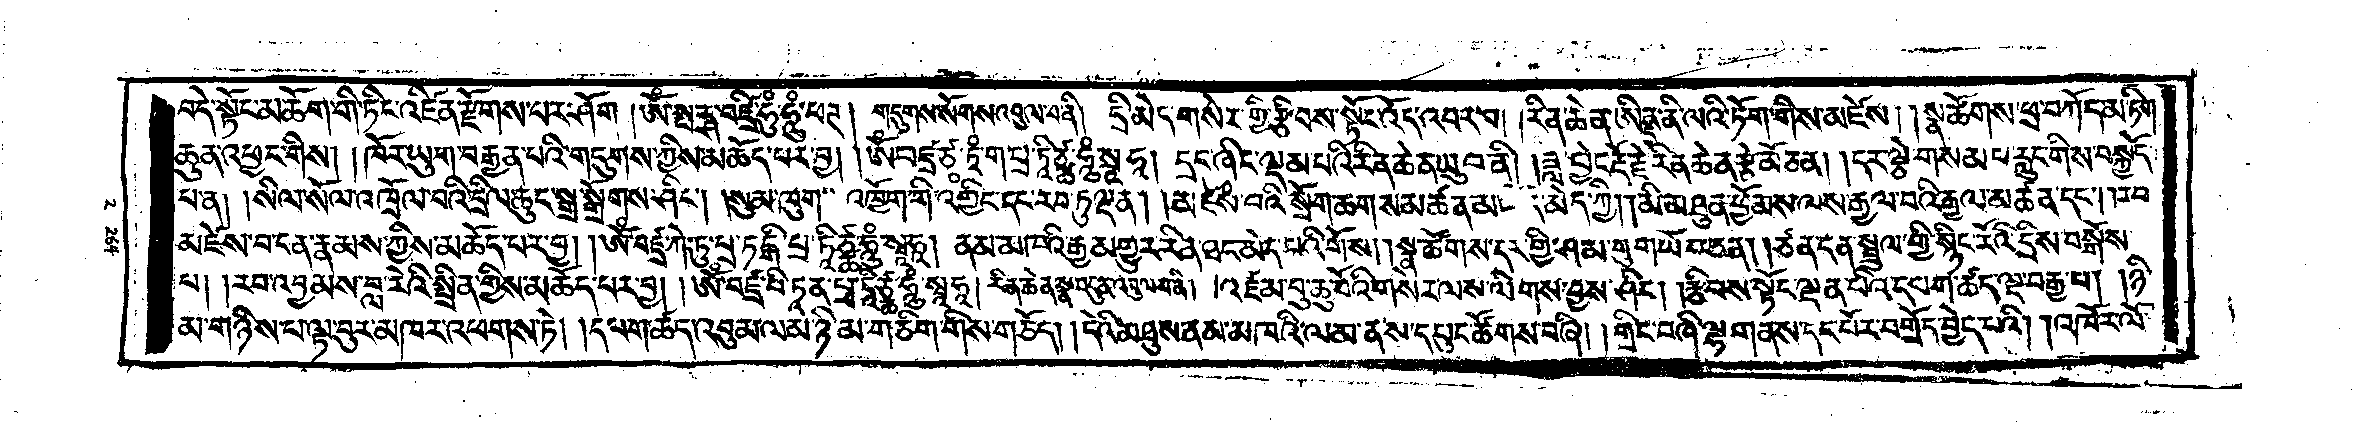བདེ་སྟོང་མཆོག་གི་ཏིང་འཛིན་རྫོགས་པར་ཤོག །ཨོཾ་སྤརྴ་བཛྲི་ཧུཾ་ཧཱུཾ་ཕཊ། གདུགས་སོགས་འབུལ་བ་ནི། དྲི་མེད་གསེར་གྱི་རྩིབས་སྟོང་འོད་འབར་བ། །རིན་ཆེན་ཨིནྡྲ་ནི་ལའི་ཏོག་གིས་མཛེས། །སྣ་ཚོགས་ཕྲ་བཀོད་མ་ཏིག་
ཆུན་འཕྱང་གིས། །ཁོར་ཡུག་བརྒྱན་པའི་གདུགས་ཀྱིས་མཆོད་པར་བྱ། །ཨོཾ་བཛྲ་ཙ྾་ཏྲཾ་ག་པྲ་ཏཱི་ཙྪ་ཧཱུཾ་སྲ་ཧཱ། དྲང་ཞིང་ལྡམ་པའི་རིན་ཆེན་ཡུབ་ནི། །ཟླ་བྱེད་རྡོ་རྗེ་རིན་ཆེན་རྩེ་མོ་ཅན། །དར་ལྕེ་གསམ་པ་རླུང་གིས་བསྐྱོད་
པ་ན། །སིལ་སོལ་འཁྲོལ་བའི་དྲིལ་ཆུང་སྒྲ་སྒྲོགས་ཤིང་། །སུམ་ཁུག་འཁྱོག་གི་འགྱིང་དང་རབ་ཏུ་ལྡན། །མཛེས་པའི་སྲོག་ཆགས་མཚན་མཆོད་མེད་ཀྱི། །མི་མཐུན་ཕྱོགས་ལས་རྒྱལ་བའི་རྒྱལ་མཚན་དང་། །རབ་
མཛེས་བ་ངན་རྣམས་ཀྱིས་མཆོད་པར་བྱ། །ཨོཾ་བཛྲ་ཀེ་ཏུ་པྲ་ཏངྒི་པྲ་ཏཱི་ཙྪ་ཧཱུཾ་སྭྰྷཱ། ནམ་མཁའི་རྒྱ་མགྱུར་རིན་ཐང་མེད་པའི་གོས། །སྣ་ཚོགས་དར་གྱི་ཤམ་གུ་གཡོ་བ་ཅན། །ཙན་དན་སྦྲུལ་གྱི་སྙིང་རོའི་དྲིས་བསྒོས་
པ། །རབ་འབྱམས་བླ་རེའི་སྤྲིན་གྱིས་མཆོད་པར་བྱ། །ཨོཾ་བཛྲ་བི་ཏཱན་པྲ་ངཱི་ཙྪ་ཧཱུཾ་སྭཱཧཱ། རིན་ཆེན་སྣ་བདུན་འབུལ་བ་ནི། །འཛམ་བུ་ཆུ་བོའི་གསེར་ལས་ལེགས་བྱས་ཤིང་། །རྩིབས་སྟོང་ལྡན་པའི་དབག་ཚད་ལྔ་བརྒྱ་བ། །ཉི་
མ་གཉིས་པ་ལྟ་བུར་མཁར་འཕགས་ཏེ། །དཔག་ཚད་འབུམ་ལམ་ཉི་མ་གཅིག་གིས་གཅོད། །དེའི་མཐུས་ནམ་མཁའི་ལམ་ནས་དཔུང་ཚོགས་བཞི། །གྲིང་བཞི་ལྷག་ནས་དང་པོར་བགྲོད་བྱེད་པའི། །འཁོར་ལོ་